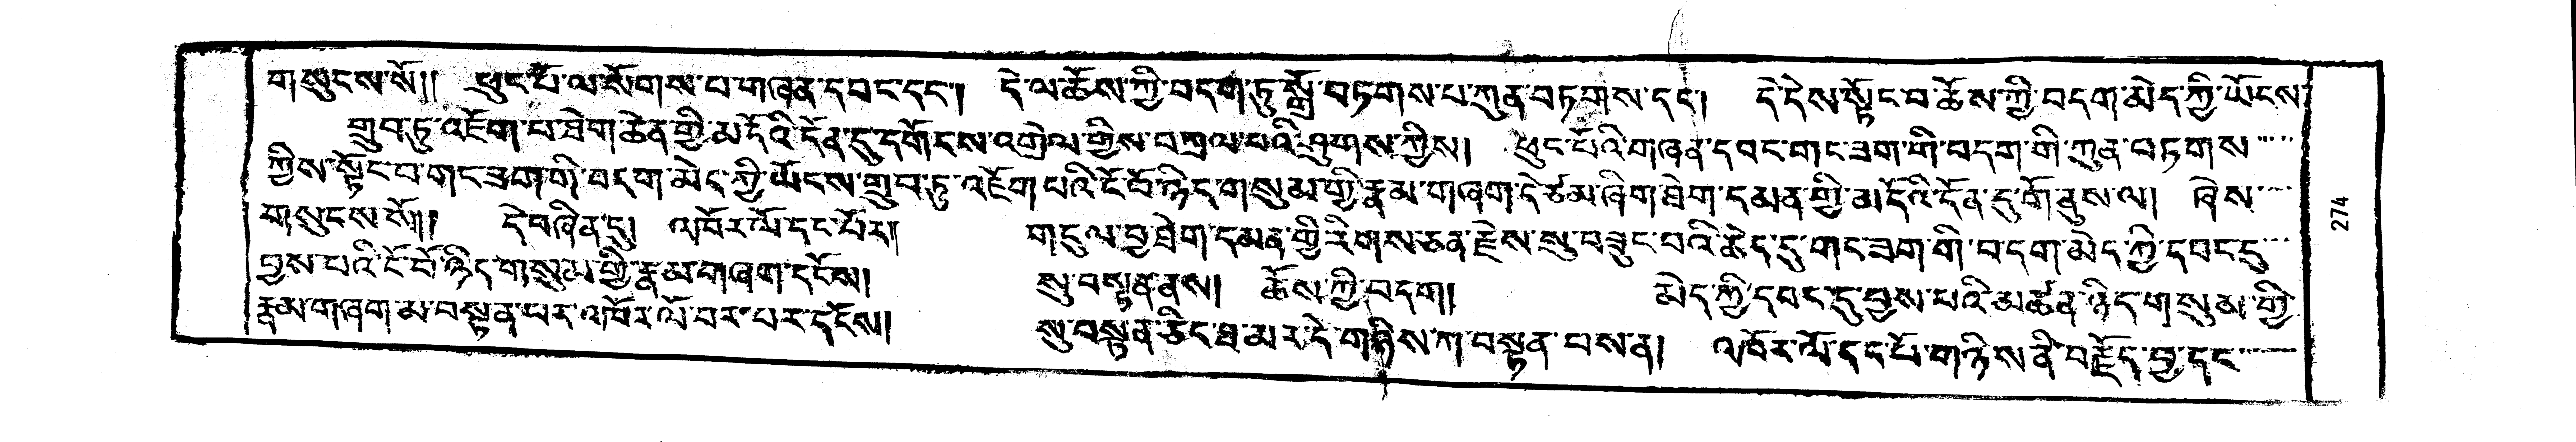གསུངས་སོ། །ཕུང་པོ་ལ་སོགས་པ་གཞན་དབང་དང་། དེ་ལ་ཆོས་ཀྱི་བདག་ཏུ་སྒྲོ་བཏགས་པ་ཀུན་བཏགས་དང་། དེ་དེས་སྟོང་བ་ཆོས་ཀྱི་བདག་མེད་ཀྱི་ཡོངས་
གྲུབ་ཏུ་འཇོག་པ་ཐེག་ཆེན་གྱི་མདོའི་དོན་དུ་དགོངས་འགྲེལ་གྱིས་བཀྲལ་བའི་ཤུགས་ཀྱིས། ཕུང་པོའི་གཞན་དབང་གང་ཟག་གི་བདག་གི་ཀུན་བཏགས་
ཀྱིས་སྟོང་བ་གང་ཟག་གི་བདག་མེད་ཀྱི་ཡོངས་གྲུབ་ཏུ་འཇོག་པའི་ངོ་བོ་ཉིད་གསུམ་གྱི་རྣམ་གཞག་དེ་ཙམ་ཞིག་ཐེག་དམན་གྱི་མདོའི་དོན་དུ་གོ་ནུས་ལ། ཞེས་
གསུངས་སོ། །དེ་བཞིན་དུ། འཁོར་ལོ་དང་པོར། །གདུལ་བྱ་ཐེག་དམན་གྱི་རིགས་ཅན་རྗེས་སུ་བཟུང་བའི་ཆེད་དུ་གང་ཟག་གི་བདག་མེད་ཀྱི་དབང་དུ་
བྱས་པའི་ངོ་བོ་ཉིད་གསུམ་གྱི་རྣམ་གཞག་དངོས། སུ་བསྟན་ནས། ཆོས་ཀྱི་བདག །མེད་ཀྱི་དབང་དུ་བྱས་པའི་མཚན་ཉིད་གསུམ་གྱི་
རྣམ་གཞག་མ་བསྟན་པར་འཁོར་ལོ་བར་པར་དངོས། སུ་བསྟན་ཅིང་ཐ་མར་དེ་གཉིས་ཀ་བསྟན་པས་ན། འཁོར་ལོ་དང་པོ་གཉིས་ནི་བརྗོད་བྱ་དང་